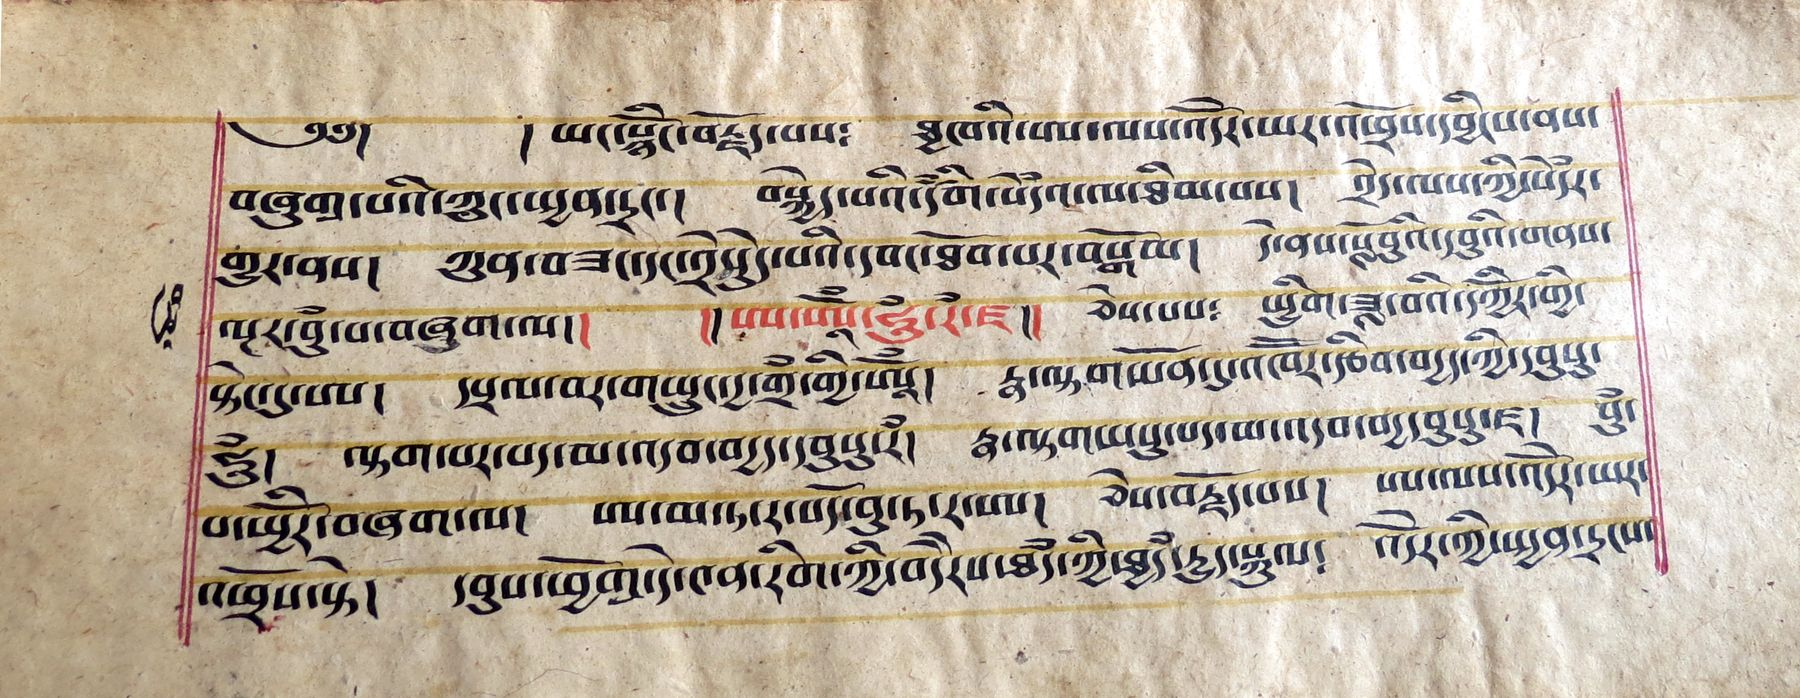ཡང་སྙིང་པོ་བརྗོད་པས། ཐུགས་ཀའི་ཨ་ལས་འོད་ཟེར་ཡར་འཕྲོས། དབྱིངས་ན་
བཞུགས་པའི་ཀུན་བཟང་སྤྱན་དྲངས། བསྐྱེད་པའི་དམ་ཚིག་སེམས་དཔའ་ལ་ཐིམ་པས། གཉིས་མེད་ལས་ཀྱི་སེམས་དཔའ་རུ་
གྱུར་ནས། ཀུན་བཟང་དང་གཉིས་སུ་མེད་པའི་དབང་ཐོབ་པར་བསྒོམ། དེ་ནས་སློབ་བུའི་དབུའི་གནས་
ལྔར་བུམ་པ་བཞག་ལ། ཨ་ཨཱོྃ་ཧཱུྃ་རྃ་ཛཿ། ། ཞེས་པས། སྤྱི་གཙུག་ཟླ་བའི་དཀྱིལ་འཁོར་གྱི་
སྟེང་དུ་ཨ། དཔྲལ་བར་གཡུང་དྲུང་རྒྱ་གྲམ་གྱི་སྟེང་དུ་ཨཱོྃ། རྣ་ལྟག་གཡོན་དུ་འཁོར་ལོ་རྩིབས་བརྒྱད་ཀྱི་དབུས་སུ་
ཧཱུཾ། ལྟག་པ་པདྨ་འདབ་བརྒྱད་དབུས་སུ་རྃ། རྣ་ལྟག་གཡས་སུ་པད་མ་འདབ་བརྒྱད་ཀྱི་དབུས་སུ་ཛཿ བུམ་
པ་སྤྱི་བོར་བཞག་སྟེ། ཨ་མ་ཏ་ར་སད་དོ་པུ་ཏ་ར་ཨ། ། ཞེས་བརྗོད་པས། ཨ་ལས་འོད་ཟེར་ཡར་
འཕྲོས་ཏེ། དབུས་ཕྱོགས་དེ་བཞིན་རིགས་ཀྱི་བདེ་གཤེགས་ཐུགས་དམ་རྒྱུད་བསྐུལ། འོད་ཟེར་གྱིས་སྤྱན་དྲངས་ནས།